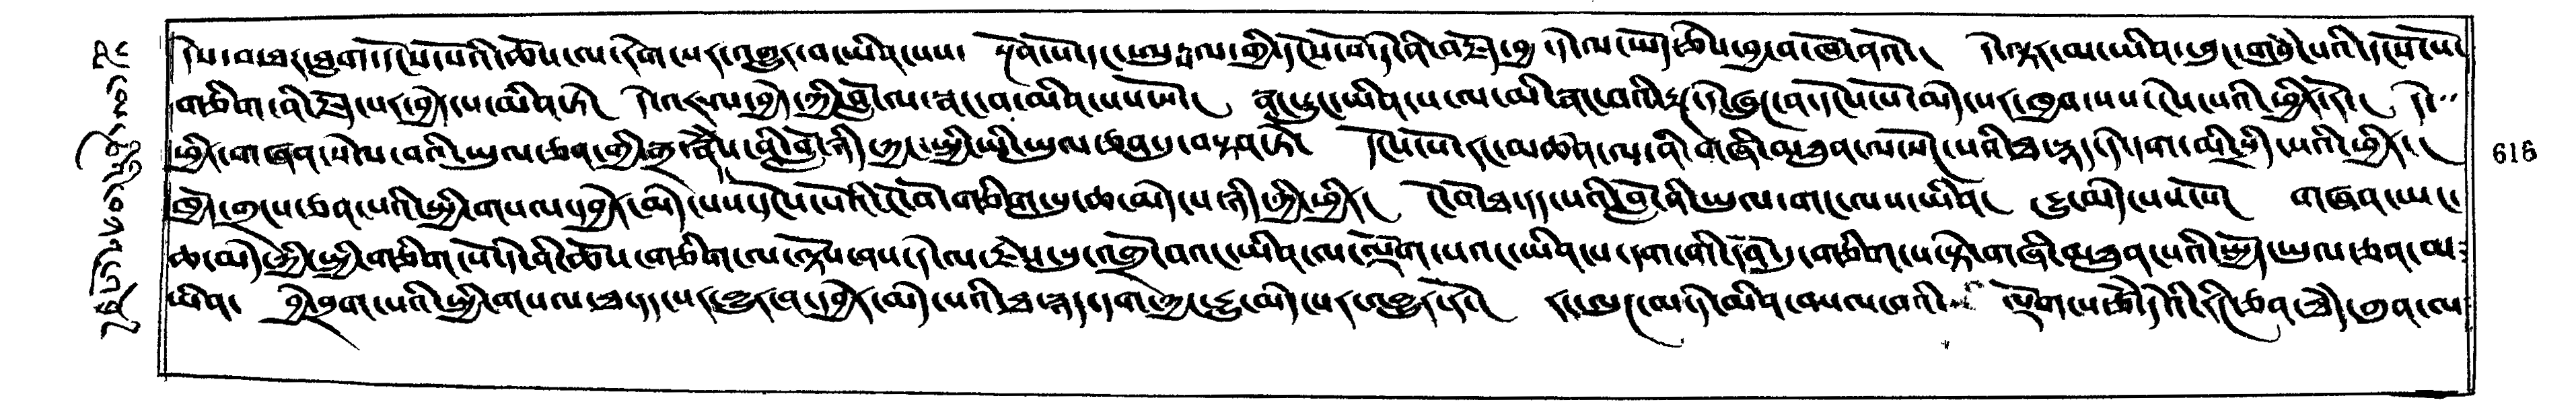དེས་མཐར་ཐུག་དངོས་པོའི་ཆོས་ལ་རེག་པར་འགྱུར་བ་ཡིན་པས། སྔོན་པོ་དང་ཨུཏྤལ་གྱི་དངོས་པོ་དེ་ནི་བརྗོད་བྱ་དེ་ལ་ཡོད་ཅེས་བྱ་བ་ཁོ་ནའོ།། དེ་ལྟར་མ་ཡིན་པར་ཕུང་གསུམ་པའི་དངོས་པོ་
གཅིག་ནི་རྗོད་པར་བྱེད་པ་མིན་ཏེ། དེ་འཇལ་བྱེད་ཀྱི་བློ་ལ་སྣང་བ་མིན་པས་སོ།། སྣང་རུང་ཡིན་པ་ལ་མི་སྣང་བའི་རྟགས་དེ་ཞུགས་ན་དངོས་པོ་མེད་པར་ཁྱབ་པས་ངེས་པའི་ཕྱིར་རོ།། དེ་
ཕྱིར་གཞན་སེལ་བའི་ཡུལ་ཅན་གྱི་སྒྲ་རྣམས་ནི་བློ་ཉིད་ཀྱང་སྤྱིའི་ཡུལ་ཅན་དུ་བསྟན་ཏེ། དངོས་པོ་རང་མཚན་ལ་ནི་གཞི་མཐུན་ལ་སོགས་པའི་ཐ་སྙད་དེ་དག་མི་སྲིད་པའི་ཕྱིར། 
ཁྱེད་གྲངས་ཅན་པའི་སྤྱི་གསལ་དབྱེར་མེད་པས་དངོས་པོའི་ངོ་བོ་གཅིག་པུ་ཆ་མེད་པ་ཉིད་ཀྱི་ཕྱིར། ངོ་བོ་ཐ་དད་པའི་བློ་ནི་ཡུལ་གང་ལས་ཡིན། རྒྱུ་མེད་པས་སོ།། གཞན་ཡང་
ཆ་མེད་ཀྱི་སྤྱི་གཅིག་པོ་དེ་ནི་ཆོས་གཅིག་ལ་ལྟོས་ནས་དེ་ལ་རྗེས་སུ་འགྲོ་བའང་ཡིན་ལ་ལྡོག་པའང་ཡིན་པ་དག་གི་དོན་དུ་གཅིག་པ་སྟེ་གཞི་མཐུན་པའི་སྤྱོད་ཡུལ་ཅན་མ་
ཡིན། བྱེ་བྲག་པའི་སྤྱི་གསལ་ཐ་དད་པར་གྱུར་བ་དབྱེར་མེད་པའི་ཐ་སྙད་དག་ཀྱང་རྒྱུ་མེད་པར་འགྱུར་རོ།། རང་ལུགས་ལ་དེ་མིན་བསལ་བའི་ལྡོག་པ་ཙམ་དེའི་རིགས་ཅན་ཐམས་ཅད་ཀུན་ལ་